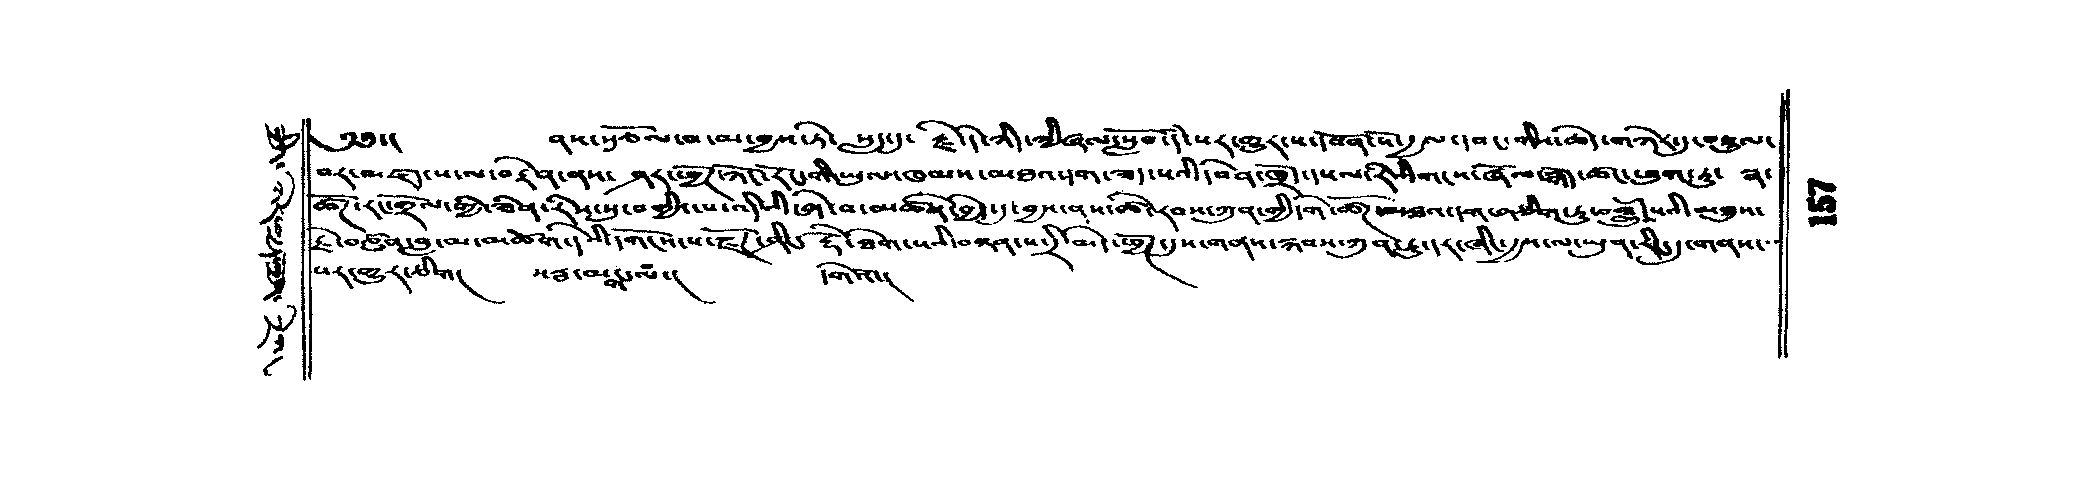ནས་སྩོལ་བ་མ་བྱས་ཏེ། སླད་དུ། རྗེ་དེ་ཉིད་ཀྱི་ཞལ་སློབ་དམ་པར་གྱུར་པ་དབོན་པོ་རྒྱལ་དབང་གིས་ཆེད་གཉེར་དུ་བསྐུལ་
བར་མཛད་པ་ལ་བརྟེན་ནས། ཤར་ཕྱོགས་ཀོང་རོང་གི་ཡུལ་ཁམས་མཐའ་དག་ཟད་པའི་དབེན་ཁྲོད་དཔལ་རིའི་གངས་ཞོལ་རྒོད་ཚང་ཕུག་ཏུ། སྣ་
ཚོགས་རང་གྲོལ་གྱི་ཟིན་རིས་སུ་བགྱིས་པ་འདིའི་དགེ་བ་མཚོན་བྱེད་དུ་བྱས་ནས་ཚེ་རབས་ཀུན་གྱི་དགེ་ཚོགས་མཐའ་དག་གཅིག་ཏུ་བཟླུམ་པའི་མཐུས་
རྗེ་བཙུན་བླ་མ་མཆོག་དེའི་དགོངས་པ་རྫོགས་ཤིང་། རྡོ་རྗེ་ཐེག་པའི་བསྟན་པ་དྲི་མེད་ཕྱོགས་དུས་གནས་སྐབས་ཀུན་ཏུ་དར་ཞིང་རྒྱས་ལ་ཡུན་རིང་དུ་གནས་
པར་གྱུར་ཅིག་སརྦ་མངྒལཾ། དགེའོ།